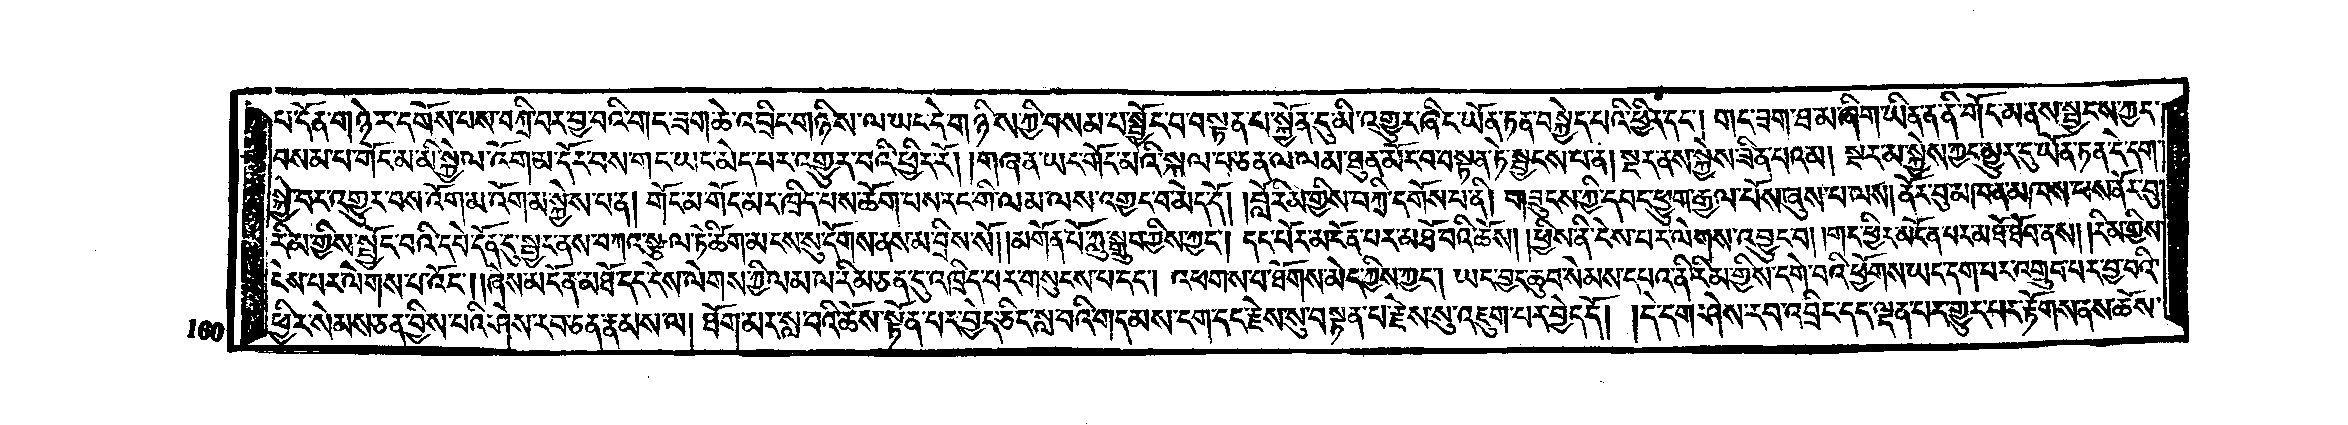པ་དོན་གཉེར་དགོས་པས་བཀྲི་པར་བྱ་བའི་གང་ཟག་ཆེ་འབྲིང་གཉིས་ལ་ཡང་དེ་གཉིས་ཀྱི་བསམ་པ་སྦྱོང་བ་བསྟན་པ་སྐྱོན་དུ་མི་འགྱུར་ཞིང་ཡོན་ཏན་བསྐྱེད་པའི་ཕྱིར་དང་། གང་ཟག་ཐ་མ་ཞིག་ཡིན་ན་ནི་གོང་མ་ནས་སྦྱངས་ཀྱང་
བསམ་པ་གོང་མ་མི་སྐྱེ་ལ་འོག་མ་དོར་བས་གང་ཡང་མེད་པར་འགྱུར་བའི་ཕྱིར་རོ། །གཞན་ཡང་གོང་མའི་སྐལ་པ་ཅན་ལ་ལམ་ཐུན་མོང་བ་བསྟན་ཏེ་སྦྱངས་པ་ན། སྔར་ནས་སྐྱེས་ཟིན་པའམ། སྔར་མ་སྐྱེས་ཀྱང་མྱུར་དུ་ཡོན་ཏན་དེ་དག་
སྐྱེ་བར་འགྱུར་བས་འོག་མ་འོག་མ་སྐྱེས་པ་ན། གོང་མ་གོང་མར་ཁྲིད་པས་ཆོག་པས་རང་གི་ལམ་ལས་འགྱང་བ་མེད་དོ། །བློ་རིམ་གྱིས་བཀྲི་དགོས་པ་ནི། གཟུངས་ཀྱི་དབང་ཕྱུག་རྒྱལ་པོས་ཞུས་པ་ལས། ནོར་བུ་མཁན་མཁས་པས་ནོར་བུ་
རིམ་གྱིས་སྦྱོང་བའི་དཔེ་དོན་དུ་སྦྱར་ནས་བཀའ་སྩལ་ཏེ་ཚིག་མངས་སུ་དོགས་ནས་མ་བྲིས་སོ། །མགོན་པོ་ཀླུ་སྒྲུབ་ཀྱིས་ཀྱང་། དང་པོར་མངོན་པར་མཐོ་བའི་ཆོས། །ཕྱིས་ནི་ངེས་པར་ལེགས་འབྱུང་བ། །གང་ཕྱིར་མངོན་པར་མཐོ་ཐོབ་ནས། །རིམ་གྱིས་
ངེས་པར་ལེགས་པ་འོང་། །ཞེས་མངོན་མཐོ་དང་ངེས་ལེགས་ཀྱི་ལམ་ལ་རིམ་ཅན་དུ་འཁྲིད་པར་གསུངས་པ་དང་། འཕགས་པ་ཐོགས་མེད་ཀྱིས་ཀྱང་། ཡང་བྱང་ཆུབ་སེམས་དཔའ་ནི་རིམ་གྱིས་དགེ་བའི་ཕྱོགས་ཡང་དག་པར་འགྲུབ་པར་བྱ་བའི་
ཕྱིར་སེམས་ཅན་བྱིས་པའི་ཤེས་རབ་ཅན་རྣམས་ལ། ཐོག་མར་སླ་བའི་ཆོས་སྟོན་པར་བྱེད་ཅིང་སླ་བའི་གདམས་ངག་དང་རྗེས་སུ་བསྟན་པ་རྗེས་སུ་འཇུག་པར་བྱེད་དོ། །དེ་དག་ཤེས་རབ་འབྲིང་དང་ལྡན་པར་གྱུར་པར་རྟོགས་ནས་ཆོས་